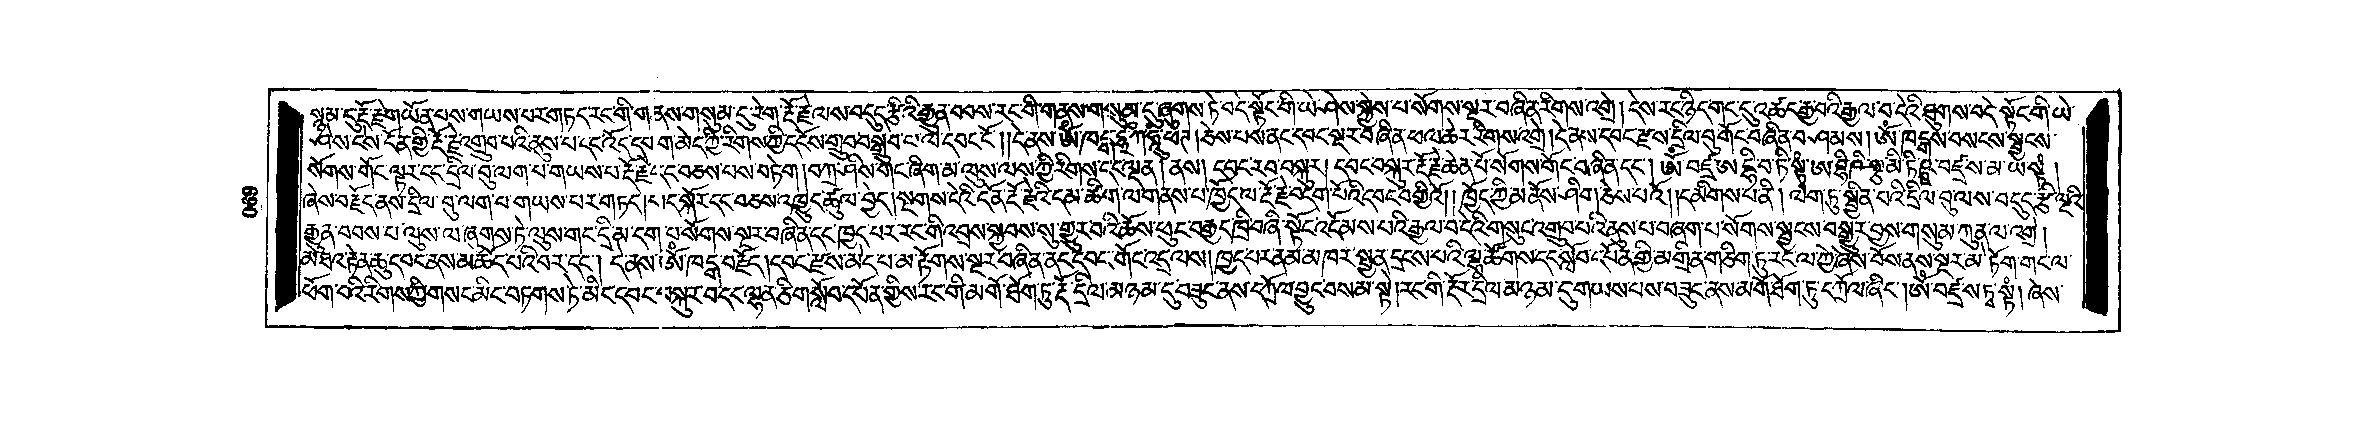སྙམ་དུ་རྡོ་རྗེ་གཡོན་པས་གཡས་པར་གཏད་རང་གི་གནས་གསུམ་དུ་རེག་རྡོ་རྗེ་ལས་བདུད་རྩིའི་རྒྱུན་བབས་རང་གི་གནས་གསུམ་དུ་ཞུགས་ཏེ་བདེ་སྟོང་གི་ཡེ་ཤེས་སྐྱེས་པ་སོགས་སྔར་བཞིན་རིགས་འགྲེ་།དེས་རང་ཉིད་གང་དུ་འཚང་རྒྱ་བའི་རྒྱལ་བ་དེའི་ཐུགས་བདེ་སྟོང་གི་ཡེ་
ཤེས་ངེས་དོན་གྱི་རྡོ་རྗེ་འགྲུབ་པའི་ནུས་པ་དང་འོད་དཔག་མེད་ཀྱི་རིགས་ཀྱི་དངོས་གྲུབ་བསྒྲུབ་པ་ལ་དབང་ངོ། །དེ་ནས་ཨོཾ་ཁངྒ་དྷཱྀ་ཀ་ཧཱུཾ་ཕཊ། ཅེས་པས་ནང་དབང་སྔར་བཞིན་ཕལ་ཆེར་རིགས་འགྲེ་།དེ་ནས་དབང་རྫས་དྲིལ་བུ་གོང་བཞིན་བཤམས། ཨོཾ་ཁངྒ་བསངས་སྦྱངས་
སོགས་གོང་ལྟར་དང་དྲིལ་བུ་ལག་པ་གཡས་པ་རྡོ་རྗེ་དང་བཅས་པས་བཏེག །བཀྲ་ཤིས་གང་ཞིག་མ་ལུས་ལས་ཀྱི་རིགས་དང་ལྡན། ནས། དབང་རབ་བསྐུར། དབང་བསྐུར་རྡོ་རྗེ་ཆེན་པོ་སོགས་གོང་བཞིན་དང་། ཨོཾ་བྫྲ་ཨདྷི་བ་ཏི་སྟྭཾ་ཨ་བྷིཥི་ཉྩ་མི་ཏི་ཥཊཿཨ་བྫྲ་ས་མ་ཡ་སྟཾ།
ཞེས་བརྗོད་ནས་དྲིལ་བུ་ལག་པ་གཡས་པར་གཏད། པད་སྐོར་དང་བཅས་འཁྱུད་ཚུལ་བྱེད། སྔགས་དེའི་དོན་རྡོ་རྗེའི་དམ་ཚིག་ལ་གནས་པ་ཁྱོད་ལ་རྡོ་རྗེ་བདག་པོའི་དབང་བགྱིའོ། །ཁྱོད་ཀྱི་མ་ནོས་ཤིག་ཅེས་པའོ། །དམིགས་པ་ནི། ལག་ཏུ་སྦྱིན་པའི་དྲིལ་བུ་ལས་བདུད་རྩི་ལྔའི་
རྒྱུན་བབས་པ་ལུས་ལ་ཞུགས་ཏེ་ལུས་གང་དྲི་མ་དག་པ་སོགས་སྔར་བཞིན་དང་ཁྱད་པར་རང་གི་འབྲས་སྐྱབས་སུ་གྱུར་པའི་ཆོས་ཕུང་བརྒྱད་ཁྲི་བཞི་སྟོང་འདོམས་པའི་རྒྱལ་བ་དེའི་གསུང་འགྲུབ་པའི་ནུས་པ་བཞག་པ་སོགས་སྦྱངས་བསྒྱུར་བྱས་གསུམ་ཀུན་ལ་འགྲེ་།
མཐའ་རྟེན་ཆུ་དབང་ནས་མཆོད་པའི་བར་དང་། དེ་ནས་ཨོཾ་ཁངྒ་བརྗོད། དབང་རྫས་མེད་པ་མ་རྟོགས་སྔར་བཞིན་ནང་དབང་གོང་འདྲ་ལས། ཁྱད་པར་ནམ་མཁར་སྤྱན་དྲངས་པའི་ལྷ་ཚོགས་དང་སློབ་དཔོན་གྱི་མགྲིན་གཅིག་ཏུ་རང་ལ་ཀྱེ་ཞེས་བོས་ནས་སྔར་མེ་ཏོག་གང་ལ་
ཕོག་པའི་རིགས་ཀྱི་གསང་མིང་བཏགས་ཏེ་མིང་དབང་བསྐུར་བ་དང་ལྷན་ཅིག་སློབ་དཔོན་གྱིས་རང་གི་མགོ་ཐོག་ཏུ་རྡོ་དྲིལ་མཉམ་དུ་བཟུང་ནས་དཀྲོལ་བྱུང་བསམ་སྟེ། རང་གི་རྡོར་དྲིལ་མཉམ་དུ་གཡས་པས་བཟུང་མགོ་ཐོག་ཏུ་དཀྲོལ་ཞིང་། ཨོཾ་བྫྲ་སཏྭ་སྟཾ། ཞེས་